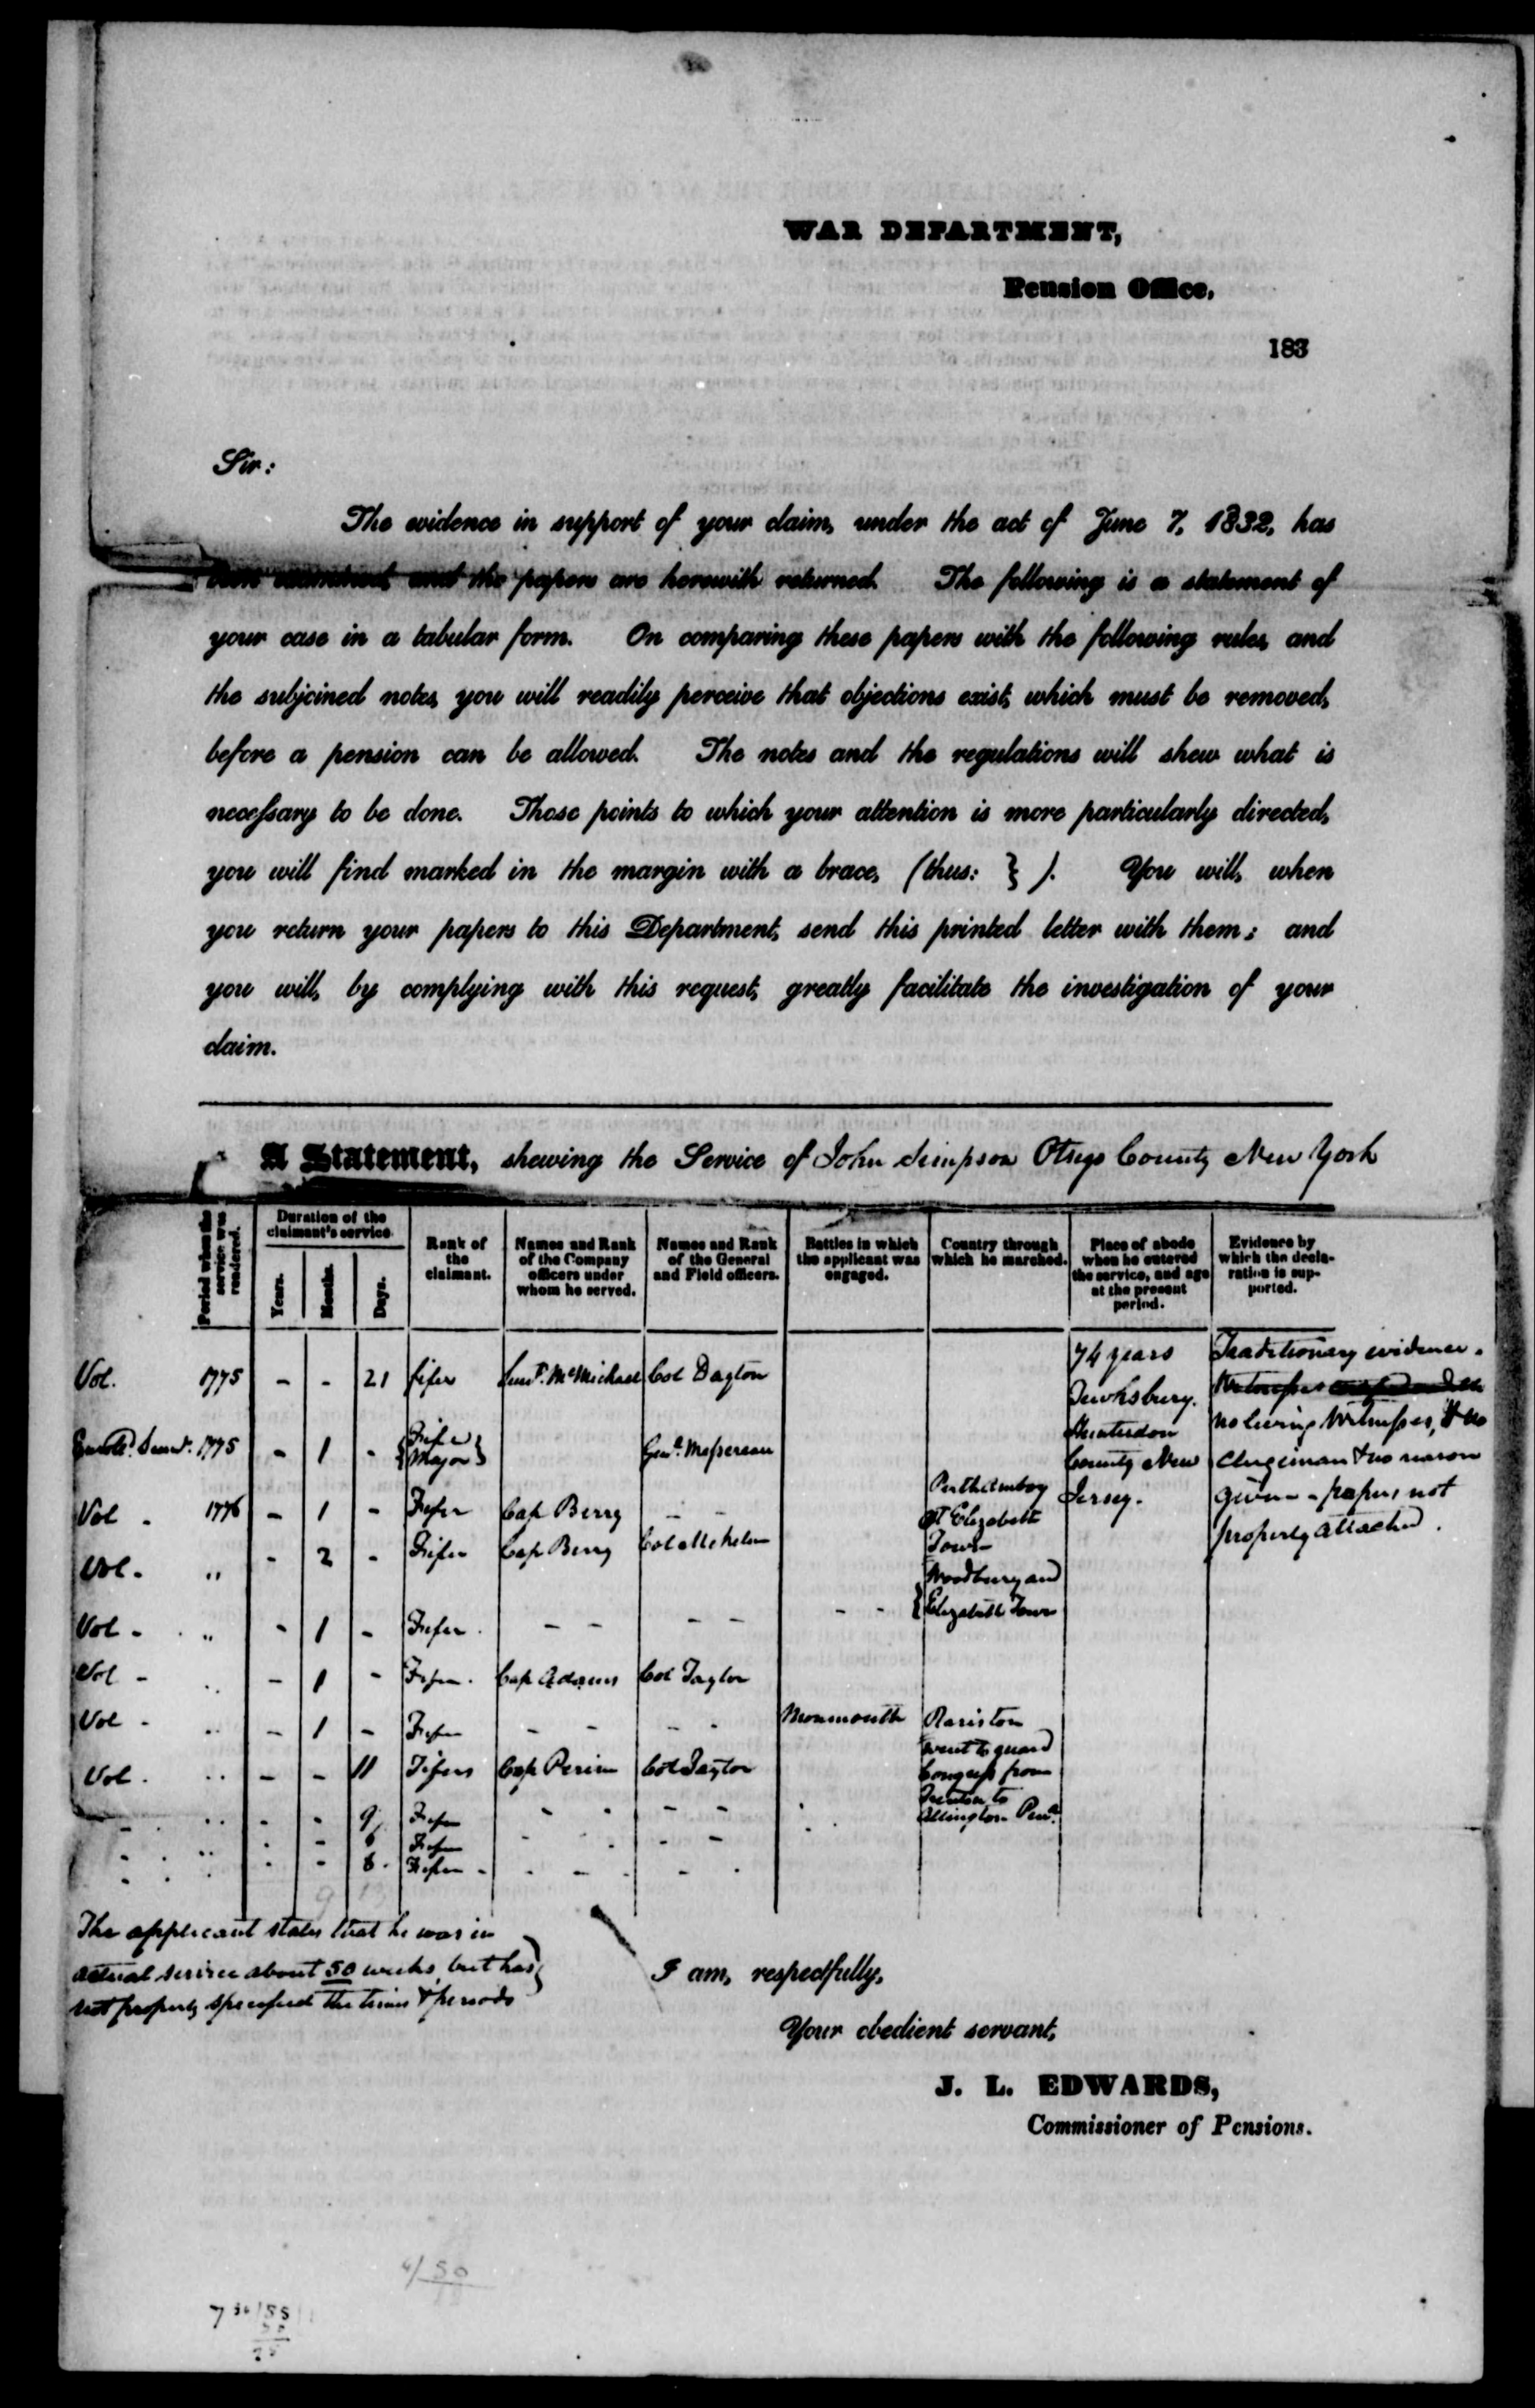WAR DEPARTMENT, Pension Office. 
183
Sir:  The evidence in support of your claim, under the act of June 7, 1832, has been [word obscured by crease in paper], and the papers are herewith returned. The following is a statement of your case in a tabular form.  On comparing these papers with the following rules, and the subjoined notes you will readily perceive that objections exist, which must be removed, before a pension can be allowed.  The notes and the regulations will show what is necessary to be done.  Those points to which your attention is more particularly directed, you will find marked in the margin with a brace (thus: } ).  You will, when you return your papers to this Department, send this printed letter with them; and you will, by complying with this request, greatly facilitate the investigation of your claim.

[printed form with handwritten entries]
A Statement, showing the Service of John Simpson Otsego County New York
Period when the service was rendered. | Duration of the claimant's service [subdivided into three columns] Years. | Months. | Days. | Rank of the claimant. | Names and Rank of the Company officers under whom he served. | Names and Rank of the General and Field officers. | Battles in which the applicant was engaged. | Country through which he marched. | Place of abode when he entered the service, and age at the present period. | Evidence by which the declaration is supported.
Vol. 1775 | - | - | 21 | fifer | Lieut. McMichael | Col Dayton |  |  | 74 years | Traditionary evidence.
[illegible] 1775 | - | 1 | - | Fife Major |  | Genl. Messereau |  |  | Tewksbury | [crossed out]
Vol. 1776 | - | 1 | - | Fifer | Cap Berry | -- |  |Perth Amboy | Hunterdon | no living Witnesses & no
Vol  1776 | - | 2 | - | Fifer | Cap Berry | Col Mehelm | Elizabeth Town | County New | Clergiman & no reason
Vol.  1776 | - | 1 | - | Fifer | -- | -- | -- |  Woodbury and |  | Jersey | given - papers not
Vol.  1776 | - | 1 | - | Fifer | Cap Adams | Col Taylor |  | Elizabeth Town |  | properly attached
Vol.  1776 | - | 1 | - | Fifer | -- | -- | Monmouth | Raritan |  |
Vol.  1776 | - | - | 11 | Fifer | Cap Perine | Col Dayton |  | went to guard |  |
Vol.  1776 | - | - | 9 | Fifer | -- | -- |  | Congress from |  |
Vol.  1776 | - | - | 6 | Fifer | -- | -- |  | Trenton to |  |
Vol  1776 | - | - | 8 | Fifer | -- | -- |  | Allington[?] Pena. |  |
The applicant states that he was in actual service about 50 [underlined] weeks, but has not properly specified the times & periods }
I am, respectfully, Your obedient servant, J. L. EDWARDS, Commissioner of Pensions.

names: [BLANK] Mc Michael; [BLANK] Adams; J L Edwards; [BLANK] Dayton; John Simpson; [BLANK] Taylor; [BLANK] Berry; [BLANK] Perine; [BLANK] Dayton; [BLANK] Messereau; [BLANK] Berry; [BLANK] Mihelin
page: 12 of 35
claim: rejected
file: R. 9601, for John Simson, New Jersey